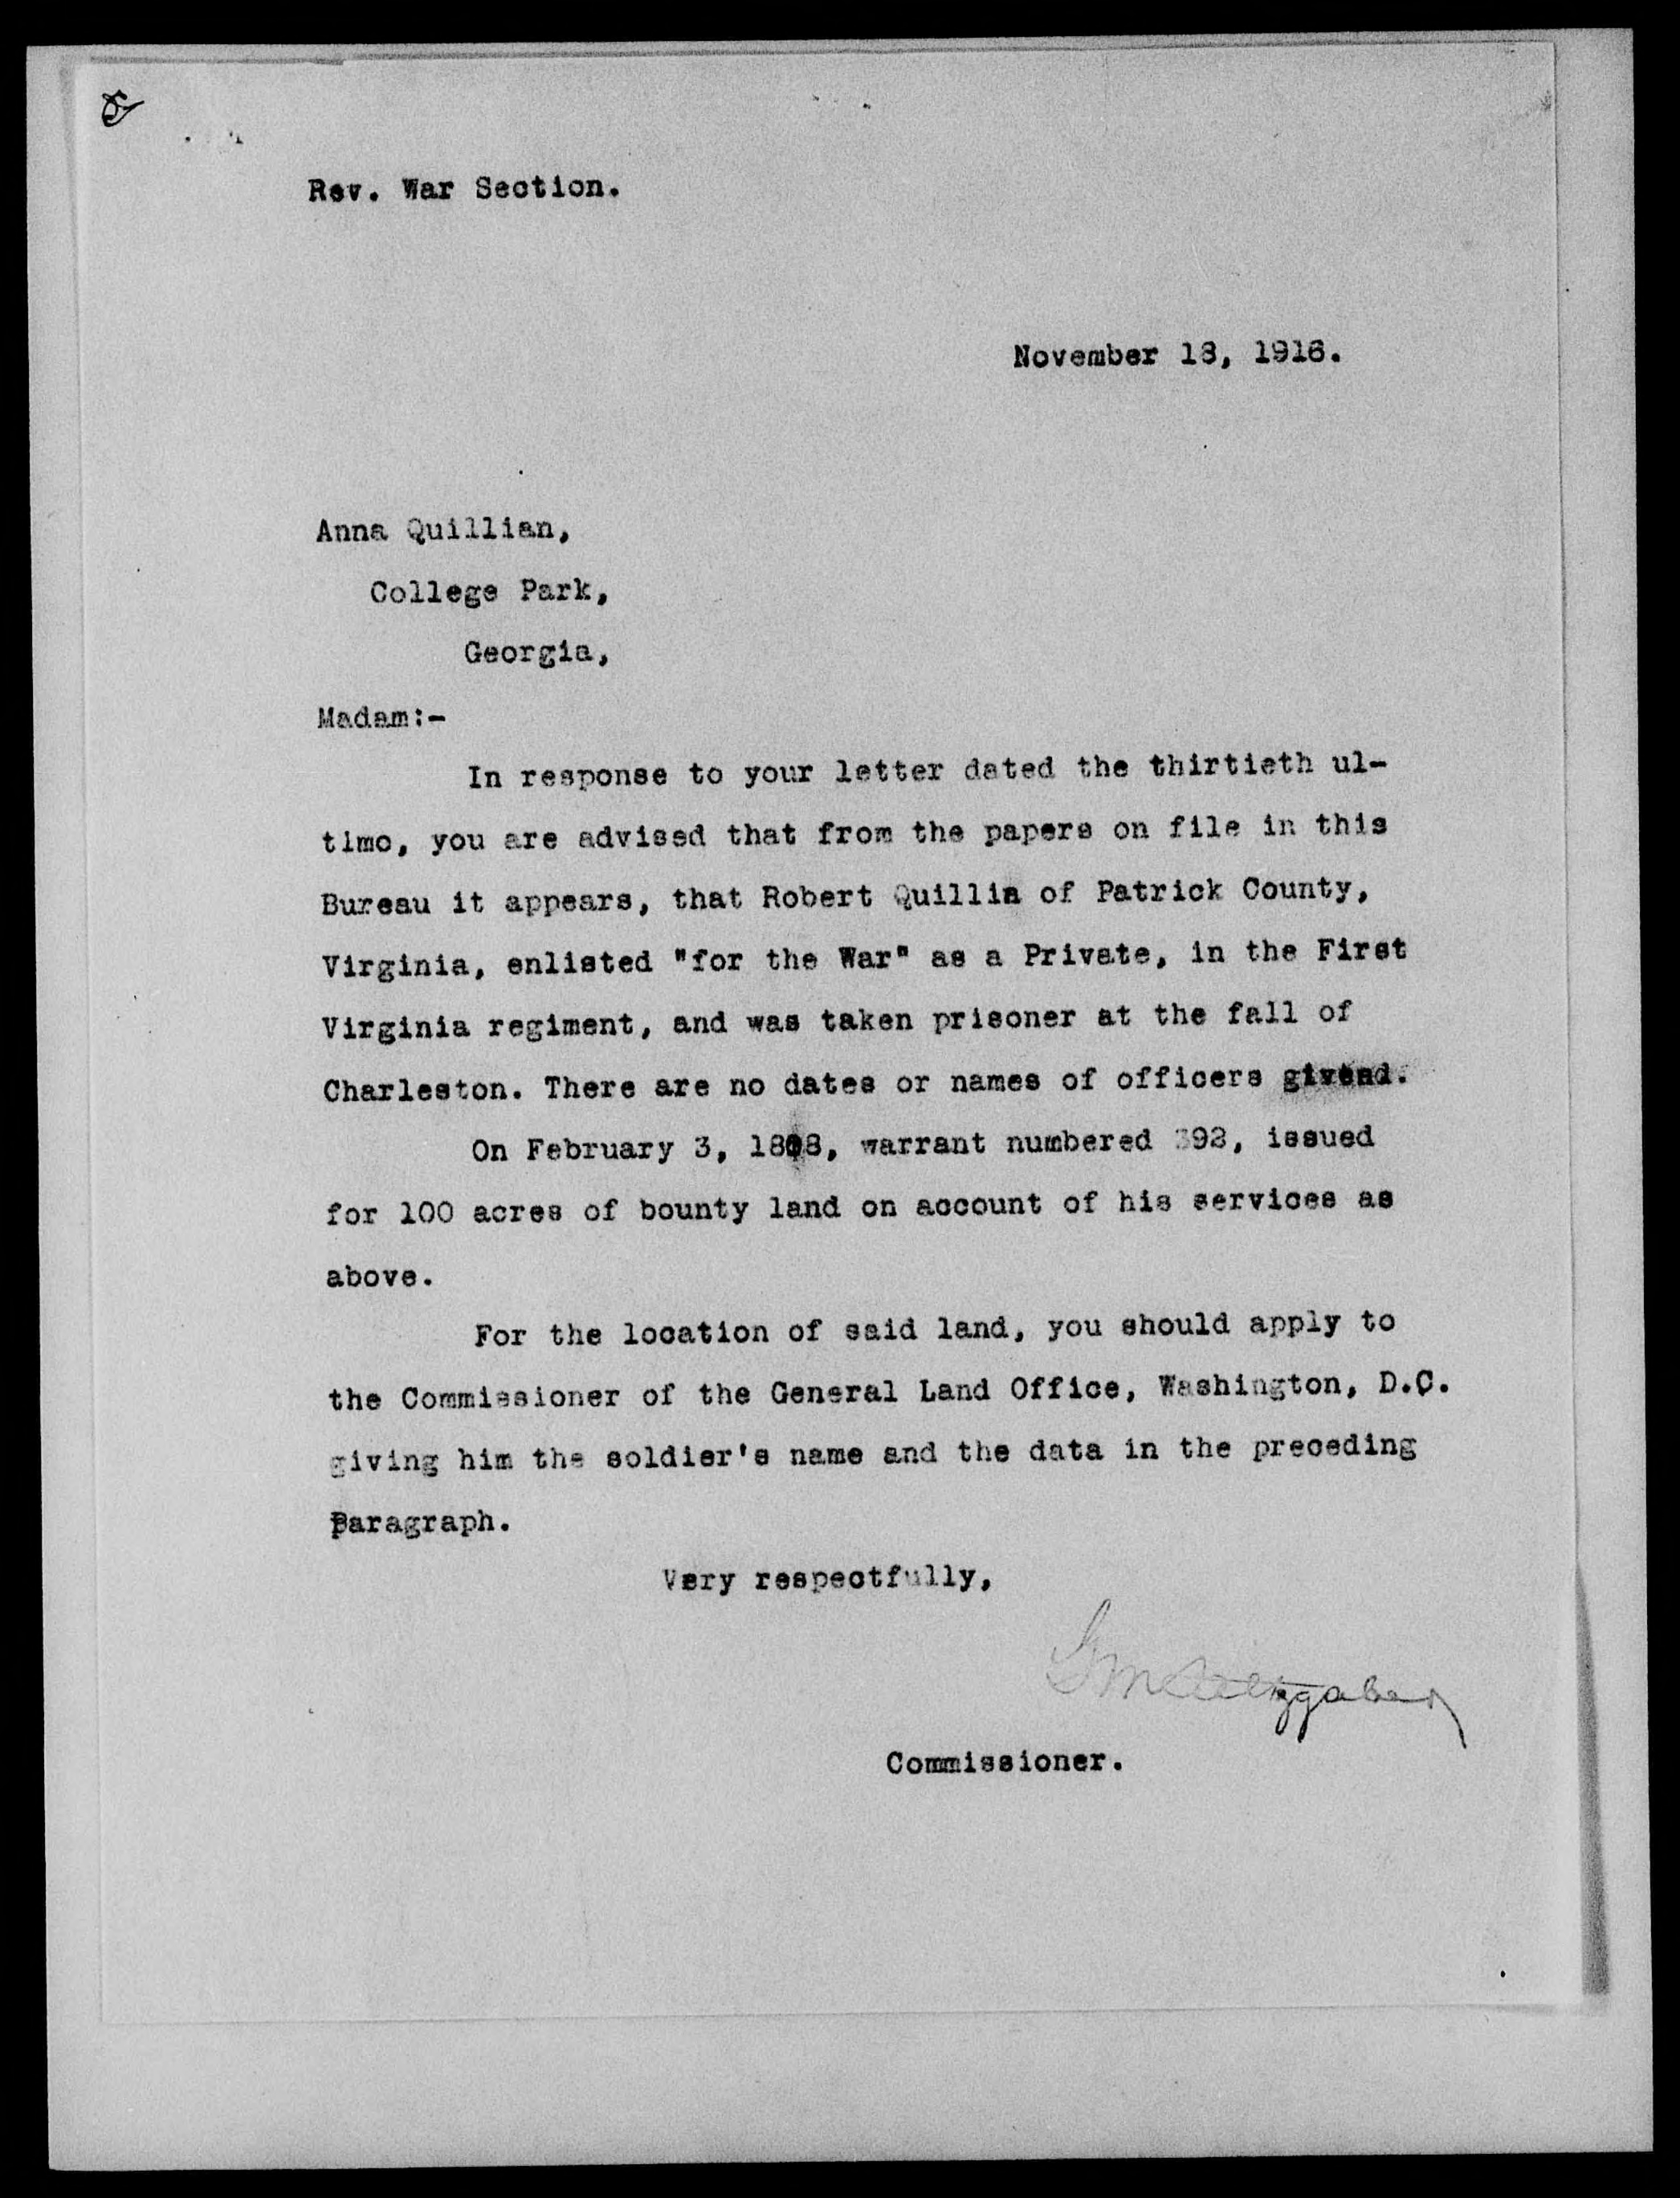Rev. War Section.

November 18, 1918.

Anna Quillian,
College Park, Georgia,

Madam:
In response to your letter dated the thirtieth
ultimo, you are advised that from the papers on file in this Bureau it appears that Robert Quillin of Patrick County, Virginia, enlisted "for the War" as a Private, in the First Virginia regiment, and was taken prisoner at the fall of
Charleston. There are no dates or names of officers given.
On February 3, 1848, warrant numbered 392, issued for 100 acres of bounty land on account of his services as above.
For the location of said land, you should apply to the Commissioner of the General Land Office, Washington, D.C. giving him the soldier's name and the data in the preceding
paragraph.

Very respectfully,
G M Saltzgaber
Commissioner.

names: G M Saltzgaber; Robert Quillia; Anna Quillian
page: 11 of 12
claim: bounty land warrant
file: B. L. Wt. 392-100, for Robert Quillin, Virginia